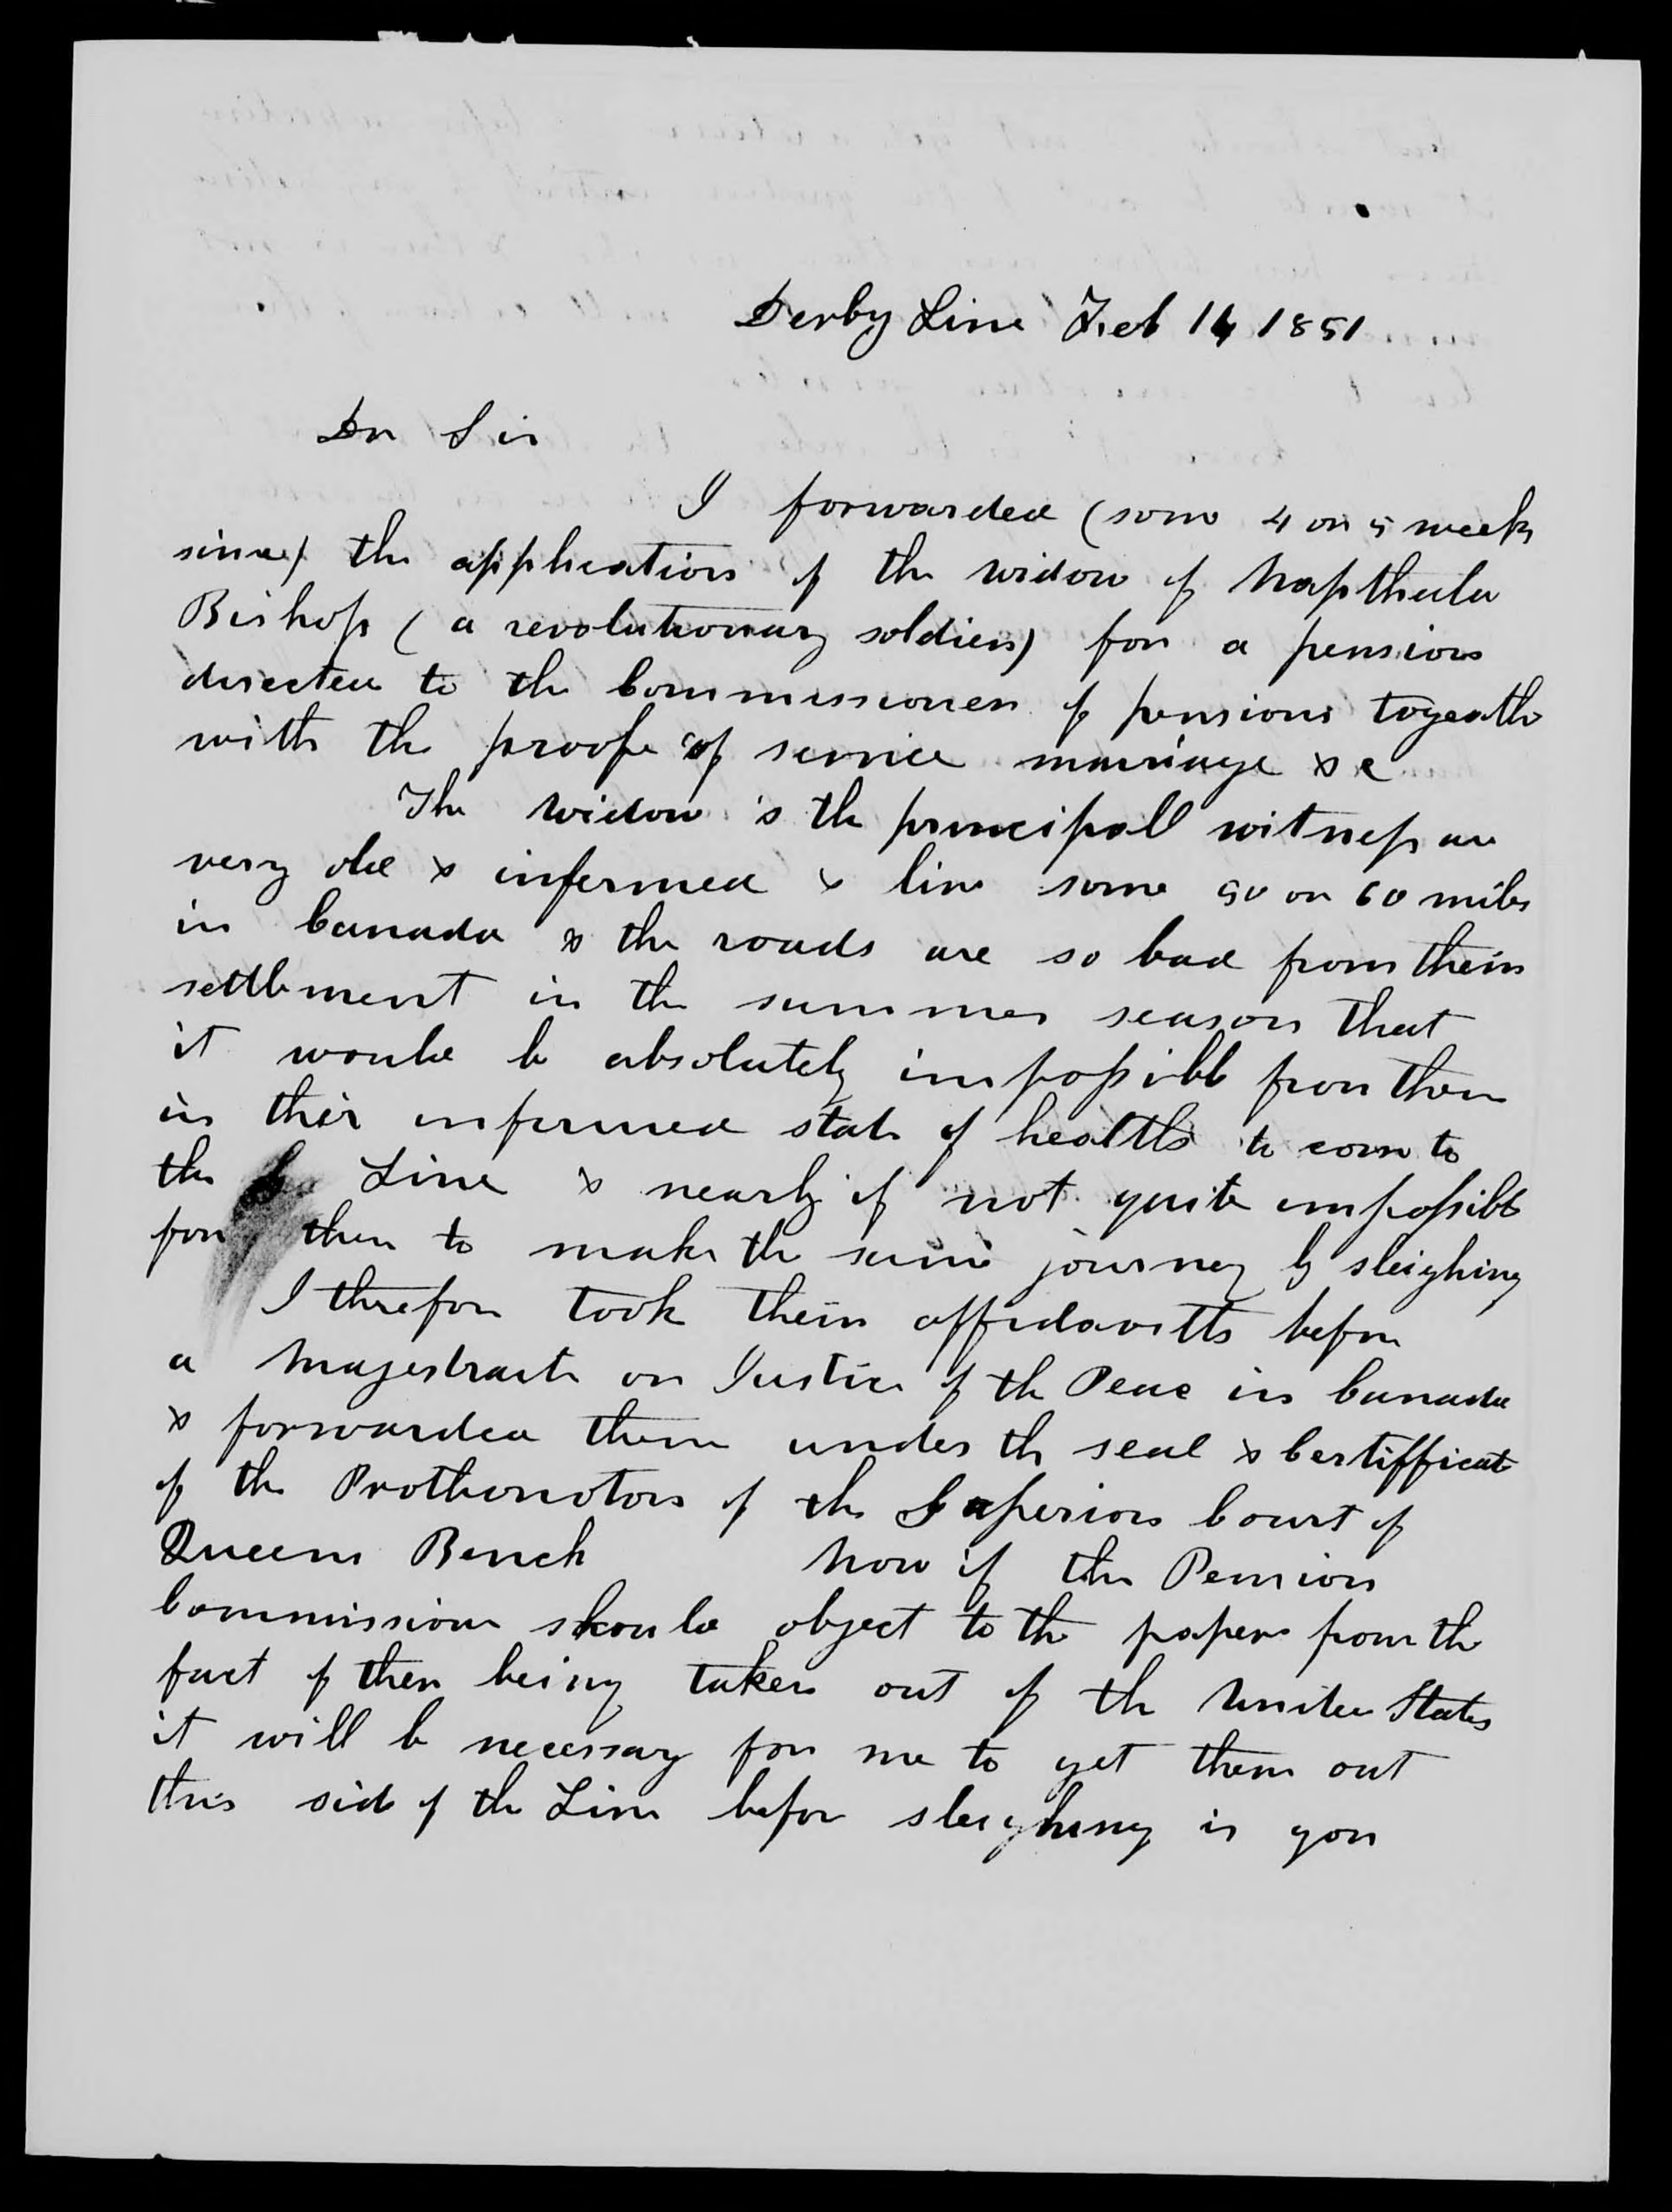Derby Line  Feb 14, 1851
Dear Sir
I forwarded some 4 or 5 weeks since the application of the widow of Napthala Bishop ( a revolutionary soldier) for a pension directed to the Commissioner of pensions together with the proof of service marriage &
The widow is the principall witness is very ill & infirm & lives some 50 or 60 miles in Canada & the roads are so bad from their settlement in the summer season that it would be absolutely impossible from there in this infirmed state of health to come to ? Line & nearly if not quite impossible for them to make the same journey by sleighing
I therefore took their affidavitts before a magistrait or Justice of the Peace in Canada & forwarded them under the seal & Certifficat of the Prothonotors of the Superior Court of Queens Bench  Now if the Pension Commission should object to the paper from the fact of their being taken out of the United States it will be necessary for me to get them out this side of the Line before sleighing is gon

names: Napthala Bishop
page: 13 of 27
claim: rejected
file: R. 865, Napthala Bishop, Vt.